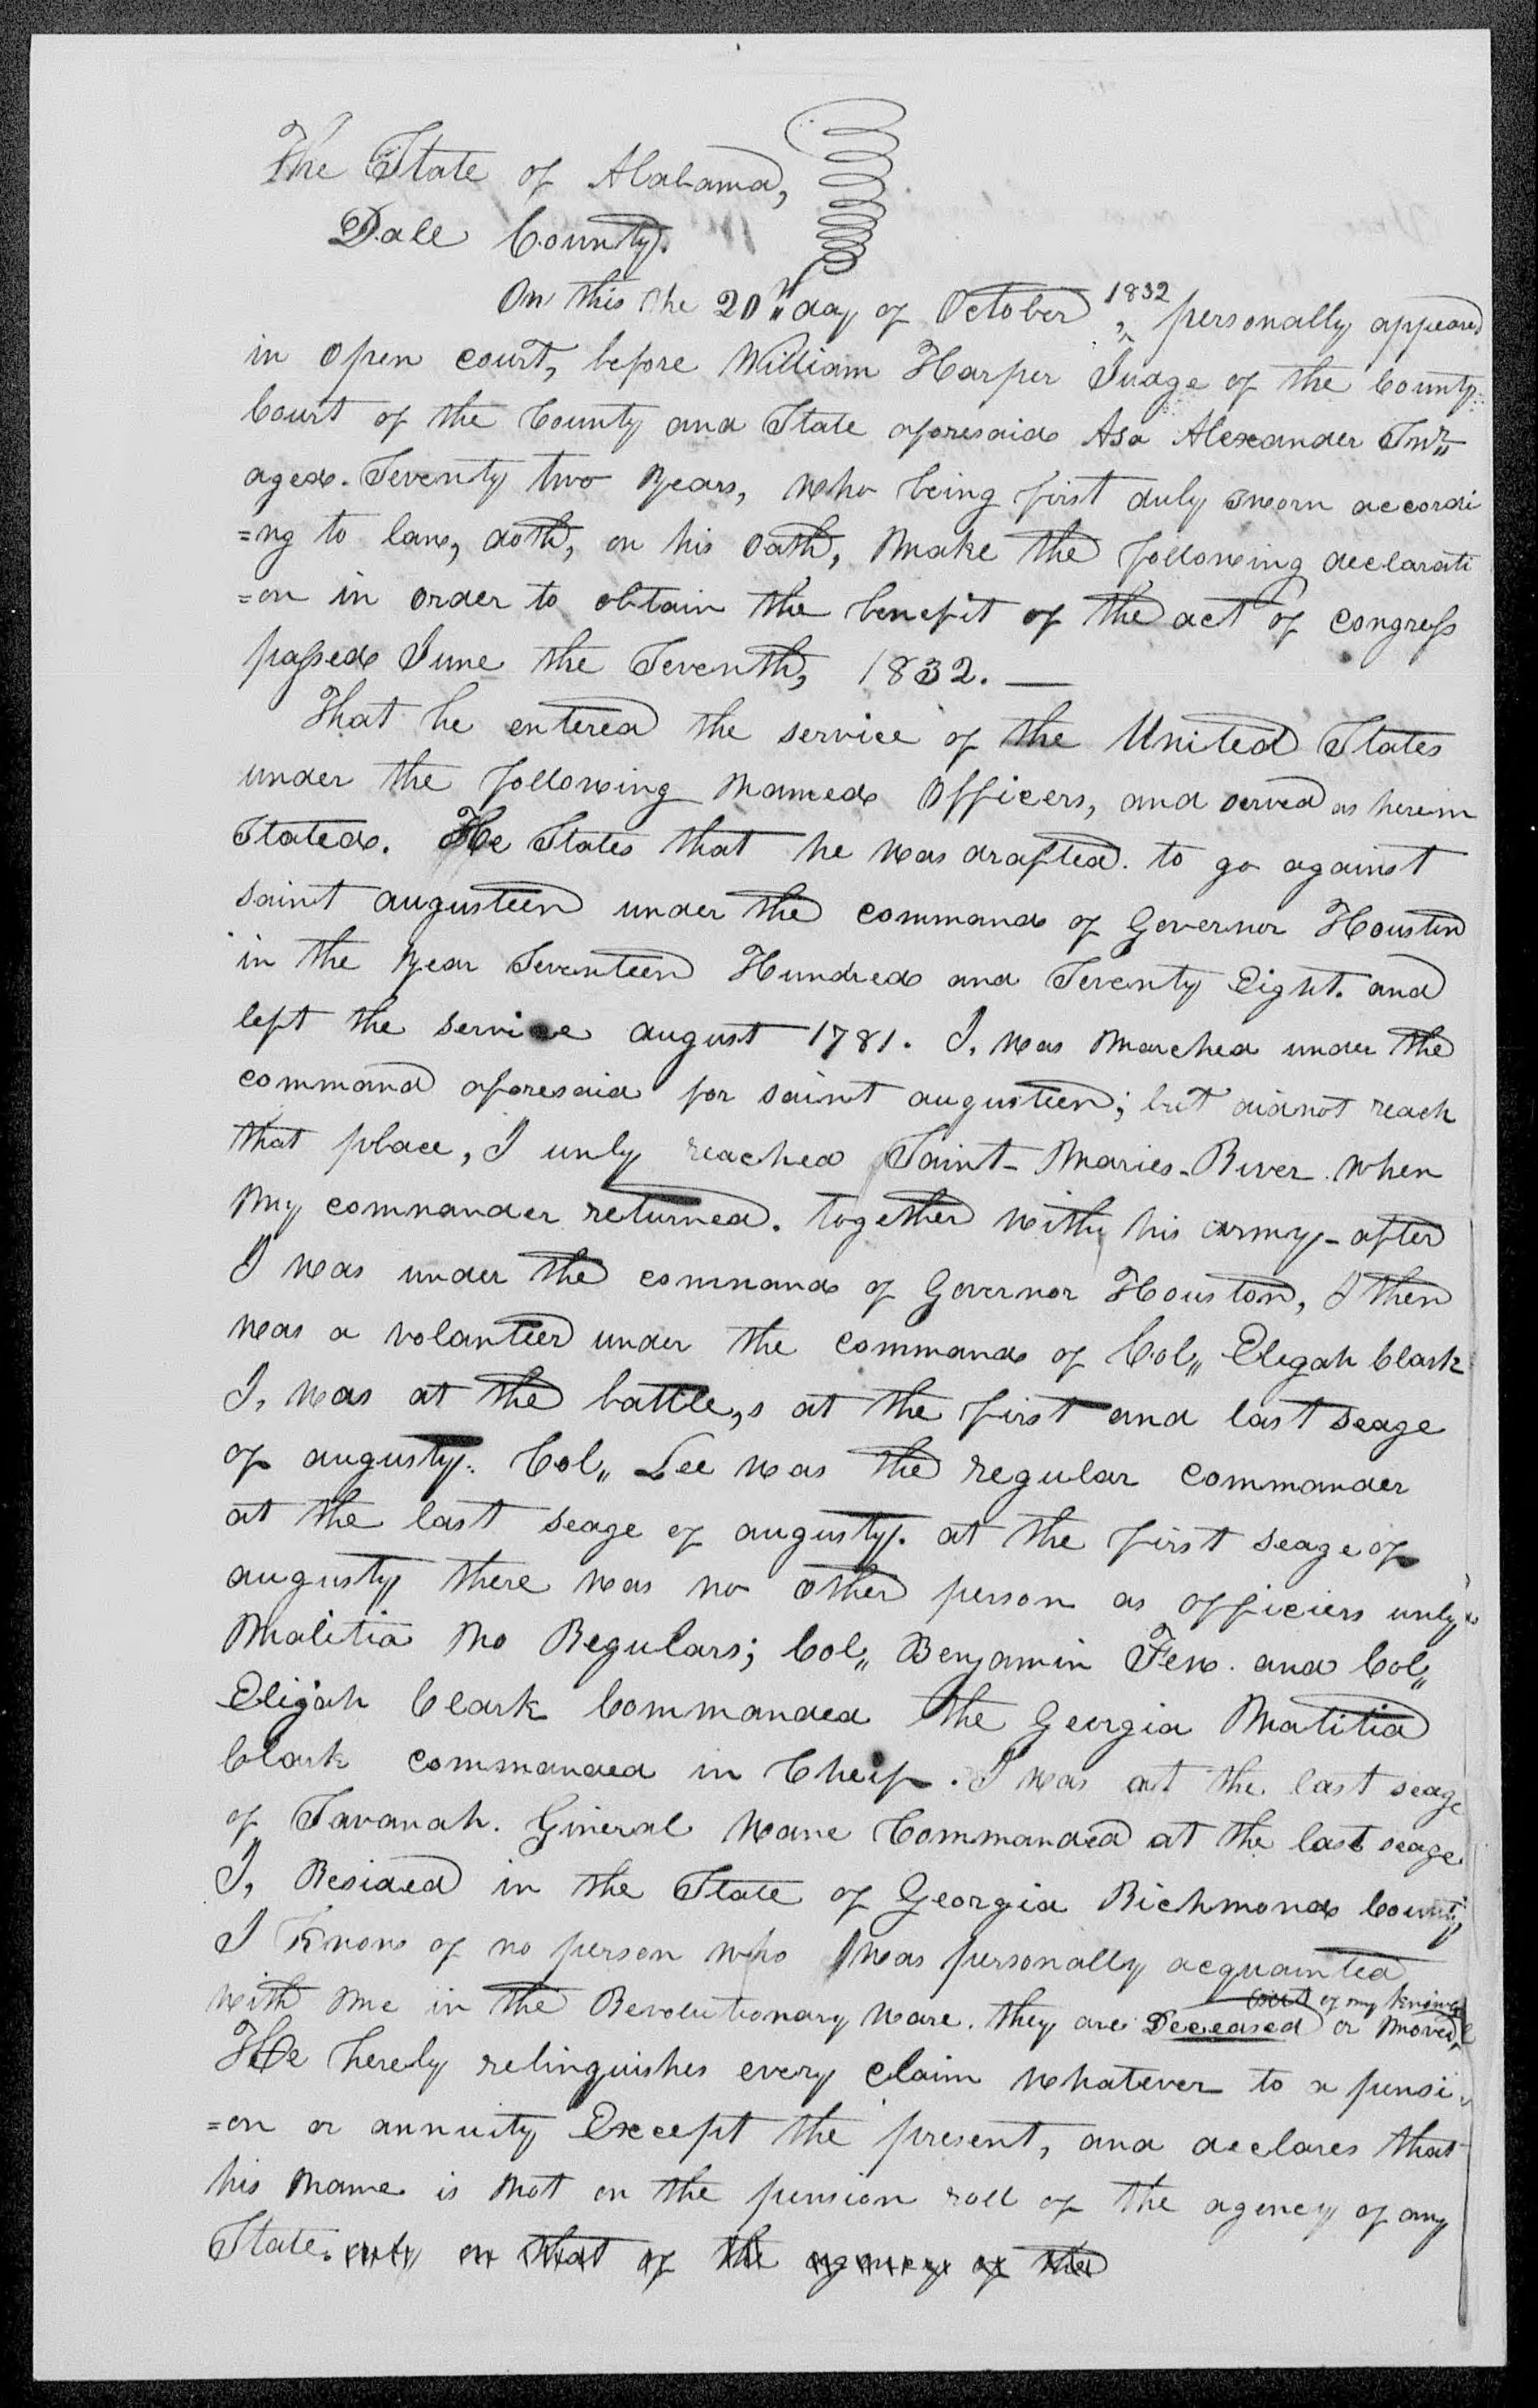The State of Alabama
Dale County
On this 20th day of October 1832 personally appeared in open court before William Harper Judge of the County Court of the County and State aforesaid. Asa Alexander Senr aged Seventy Two years, who being first duly sworn according to law, doth, on his oath, make the following declaration in order to obtain the benefit of the act of congress passed June the Seventh, 1832.--that he entered the service of the United States under the following named officers, and served as herein stated. He states that he was drafted to go against Saint Augusteen under the command of Governor Houston in the year Seventeen Hundred and Seventy Eight and left the service August 1781. I was marched under the command aforesaid for Saint Augustee, but did not reach that place, I only reached Saint Maries River when my commander returned together with his army after I was under the command of governor Houston, I then was a volunteer under the command of Col. Elijah Clark. I was at the battles at the first and last seage of Augusty. Col. Lee was the regular commander at the last seage of Augusty. At the first seage of Augusty there was no other person or officers only malitia no regulars; Col. Benjamin Fen and Col. Elijah Clark Commanded the Georgia Malitia Clark commanded in Chief. I was at the last seage of Savanah. General Mane Commanded a the last seage. I, resided in the State of Georgia Richmond County. I know of no person who was personally acquainted with me in the Revolutionary War. They are deceased or moved [insertion above: (out of my knowing]. We hereby relinquish every claim whatever to a pension or annuity except the present and declares that his name is not on the pension roll of the agency of any State. [part of the last sentence crossed out]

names: Elijah Clark, Lee, Eligah Clark, Asa Alexander, William Harper, Benjamin Fen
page: 4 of 35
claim: survivor's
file: S. 32092, Asa Alexander, Ga.